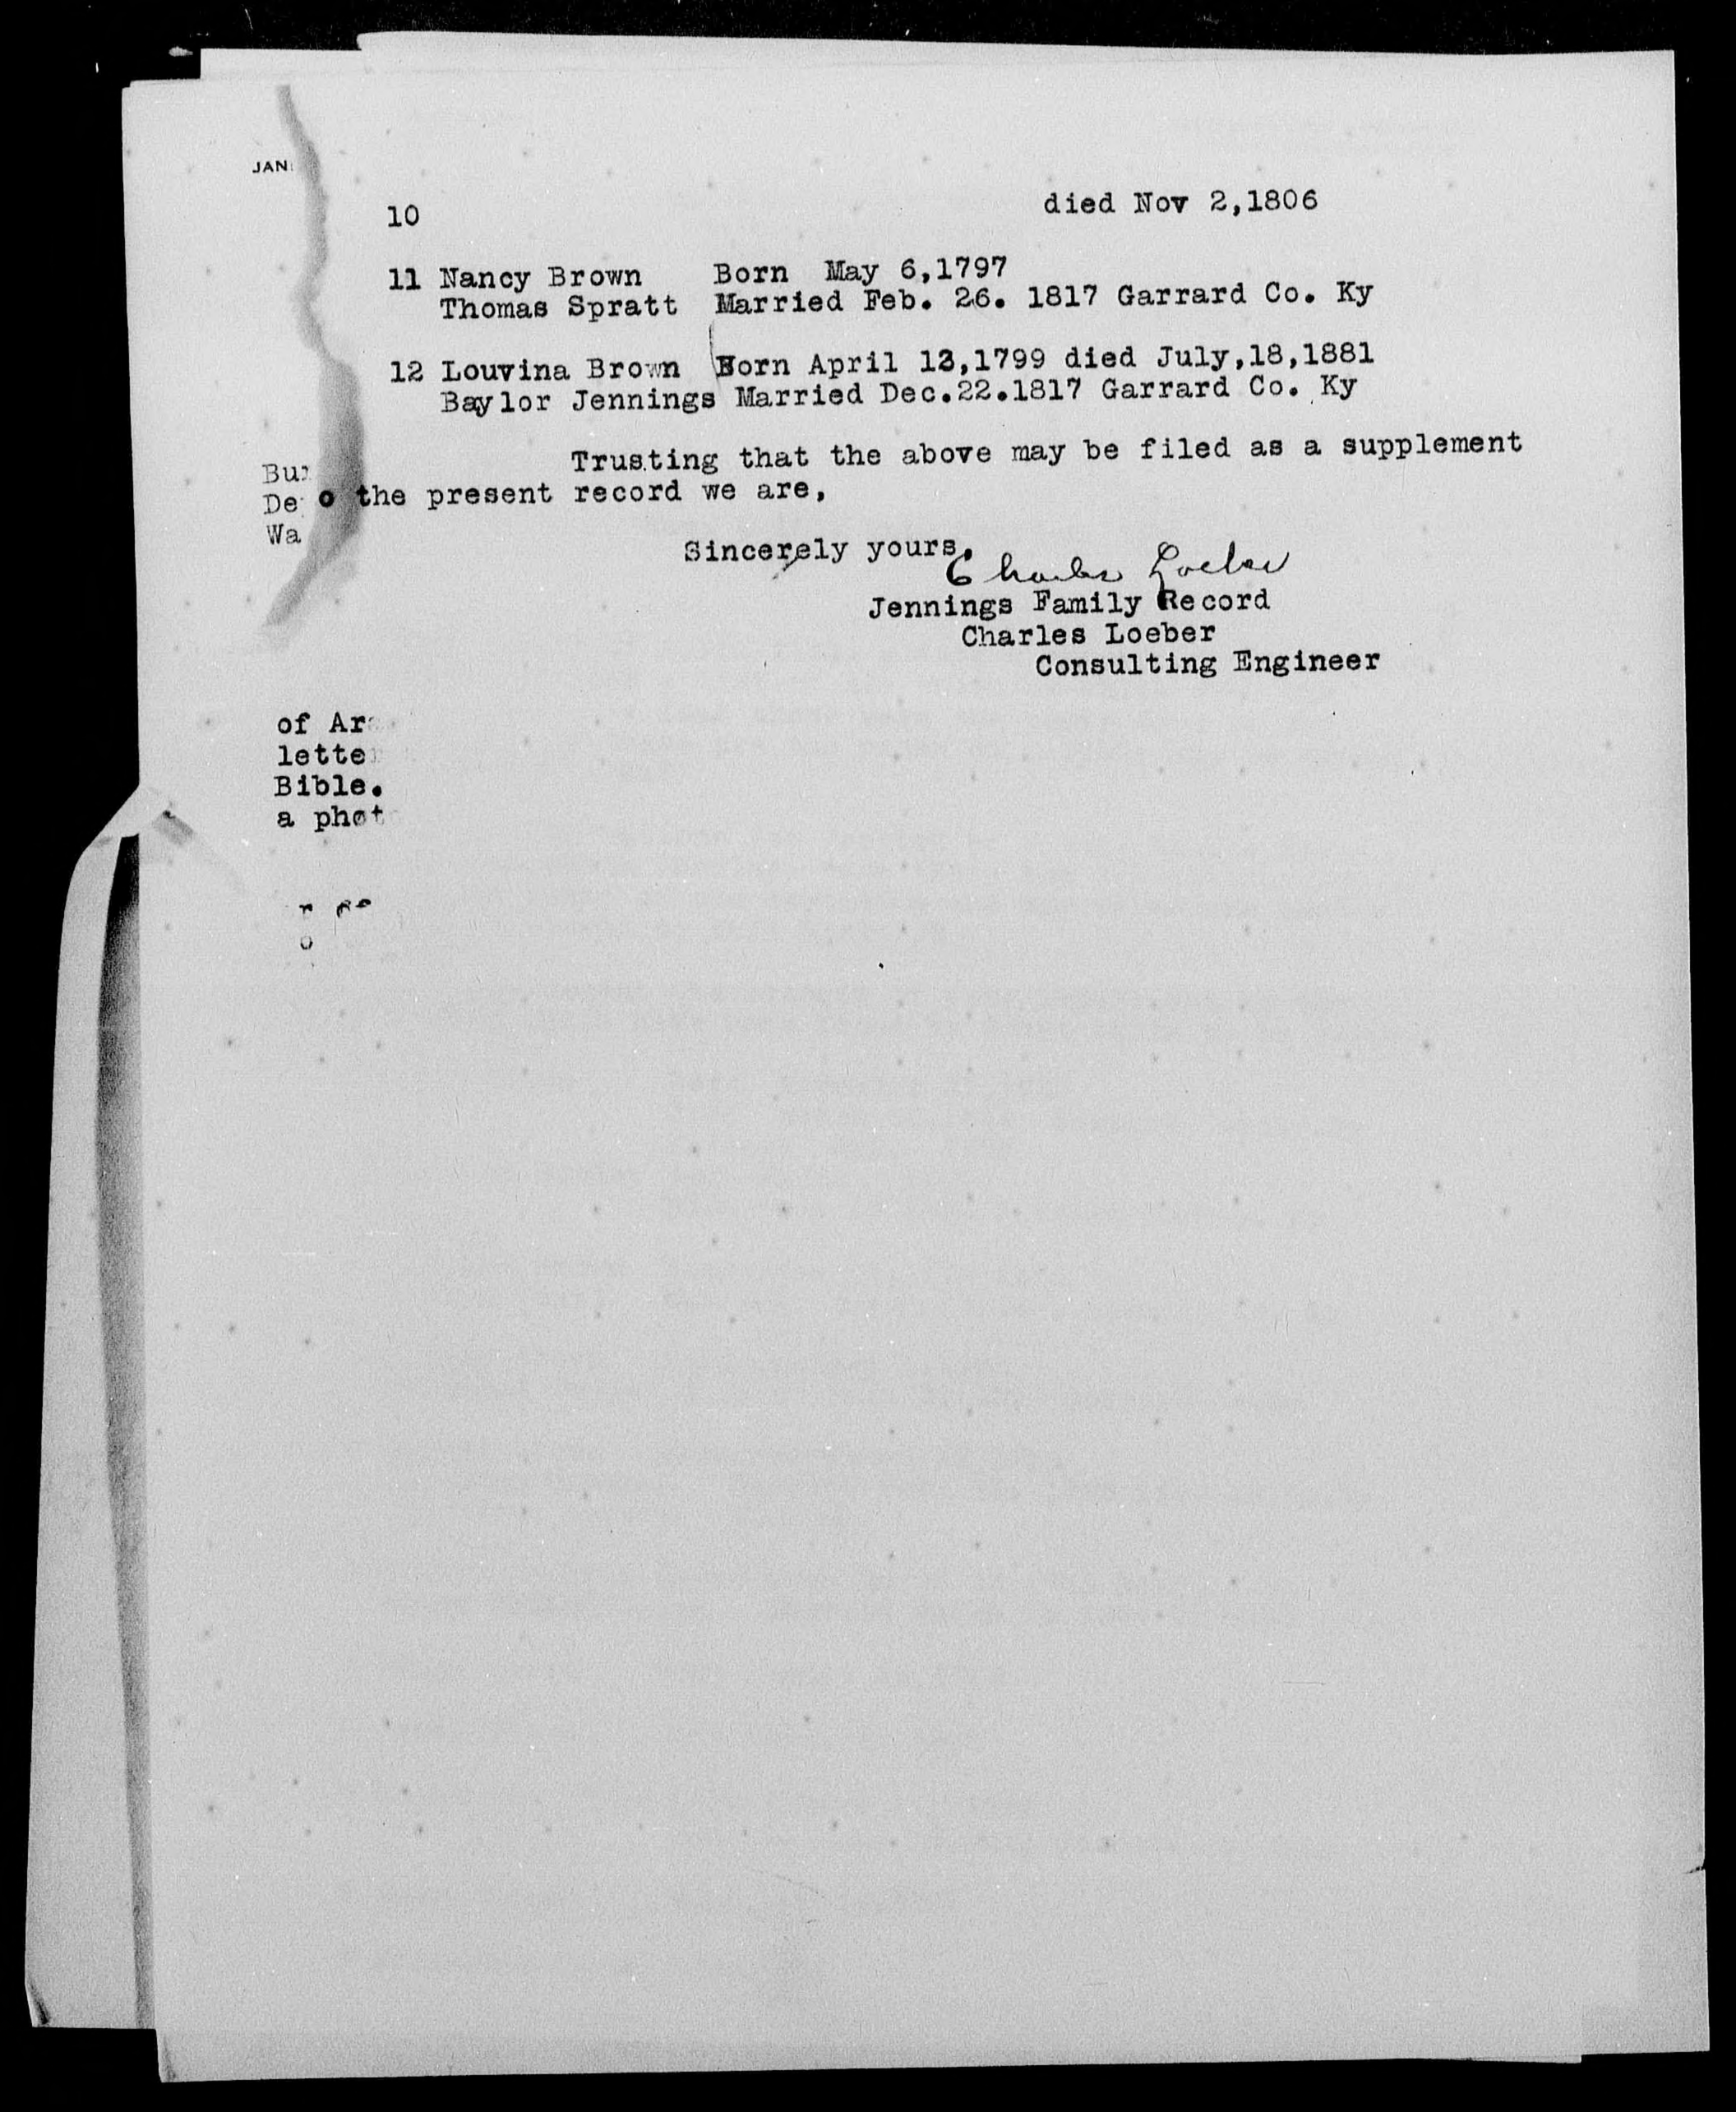Jan

10       died Nov. 2, 1806

11  Nancy Brown. Born May 6, 1797
Thomas Spratt Married Feb 26. 1817 Garrard Co. Ky

12 Louvina Brown Born April 12, 1799 died July 18, 1881
Baylor Jennings Married Dec. 22, 1817 Garrard Co. Ky

Trusting that the above may be filed as a supplement
Bur
De (illegible) the present record we are,
Wa

Sincerely yours,
Jennings Family Record
Charles Loeber
Consulting Engineer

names: Baylor Jennings, Charles Loeber, Louvina Brown, Charles Loeber, Thomas Spratt, Nancy Brown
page: 35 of 65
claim: widow's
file: W. 8384, Arabia Brown, Va.